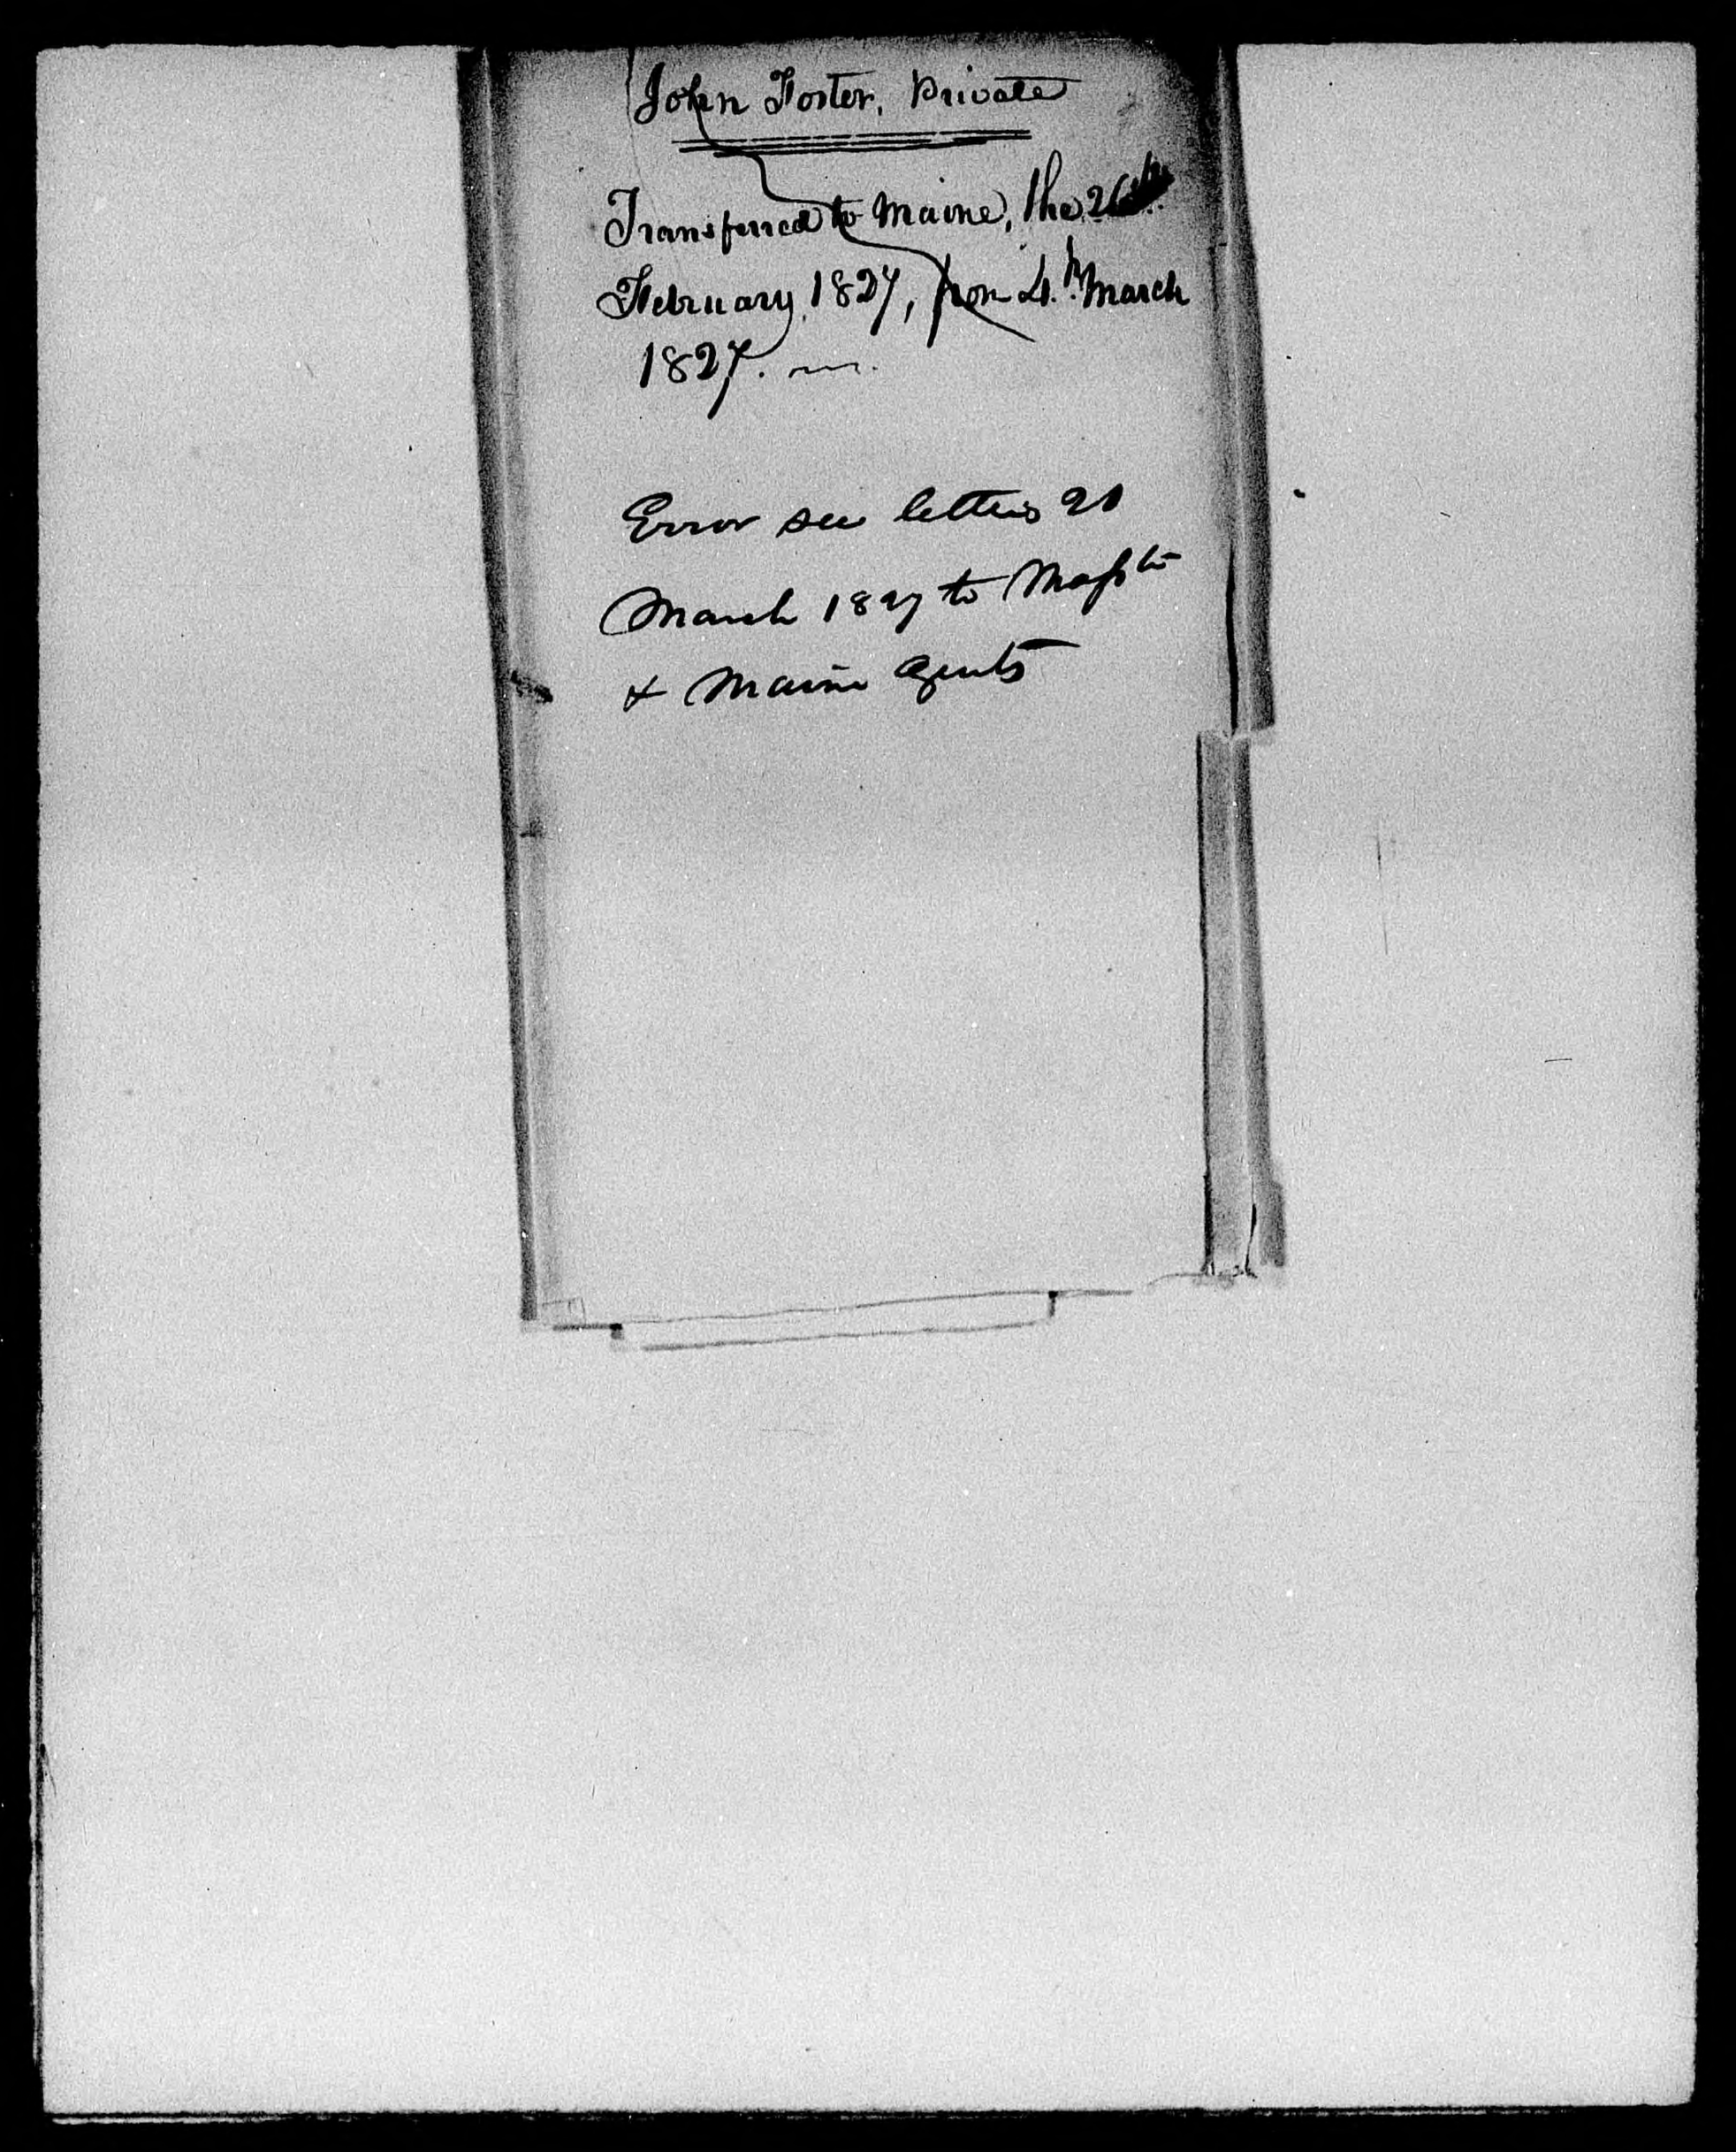John Foster, Private
Transferred to Maine, the 26th February, 1827, from 4th March 1827.
Error see letter 21 March 1827 to Mass/ts & Maine Agents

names: John Foster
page: 23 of 47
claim: widow's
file: W. 7,302, John Foster, Continental Mass. R.I.